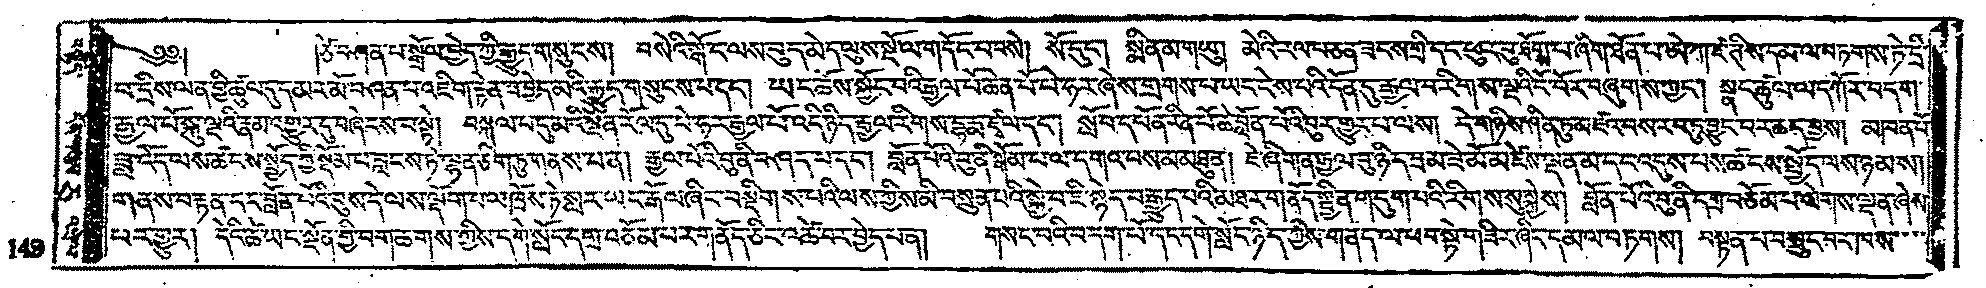༄༅། །ཙེ་བཤན་པ་སྒྲོལ་བྱེད་ཀྱི་རྒྱུད་གསུངས། བསེའི་སྒོ་ང་ལས་བུད་མེད་ལུས་སྔོ་ལ་གདོང་པ་བསེ། སོ་དུང་། སྨིན་མ་གཡུ། མེའི་རལ་པ་ཅན་ཟངས་གྲི་དང་ཕུར་བུ་ཐོགས་པ་ཞིག་ཐོན་པ་ཨེ་ཀ་ཛ་ཊིས་དམ་ལ་བཏགས་ཏེ་དྲི་
བ་དྲིས་ལན་གྱི་ཚུལ་དུ་དམར་མོ་བཤན་པ་འཇིག་རྟེན་ཟ་བྱེད་མའི་རྒྱུད་གསུངས་པ་དང་། ཡང་ཆོས་སྐྱོང་བའི་རྒྱལ་པོ་ཆེན་པོ་པེ་ཧར་ཞེས་གྲགས་པ་ཡང་ངེས་པའི་དོན་དུ་རྒྱལ་བ་རིགས་ལྔའི་ངོ་བོར་བཞུགས་ཀྱང་། སྣང་ཚུལ་ལ་དཀོར་བདག་
རྒྱལ་པོ་སྐུ་ལྔའི་རྣམ་འགྱུར་དུ་བཞེངས་པ་སྟེ། བསྐལ་པ་དུ་མའི་སྔོན་རོལ་དུ་པེ་ཧར་རྒྱལ་པོ་འདི་ཉིད་རྒྱལ་རིགས་དྷ་རྨ་ཛྭ་ལ་དང་། སློབ་དཔོན་རིན་པོ་ཆེ་བློན་པོའི་བུར་གྱུར་པ་ལས། དེ་གཉིས་ཤིན་ཏུ་མཛའ་བས་རབ་ཏུ་བྱུང་བར་ཆད་བྱས། མཁན་པོ་
ཟླ་འོད་ལས་ཚངས་སྤྱོད་ཀྱི་སྡོམ་པ་བླངས་ཏེ་ལྷན་ཅིག་ཏུ་གནས་པ་ན། རྒྱལ་པོའི་བུ་ནི་བཤད་པ་དང་། བློན་པོའི་བུ་ནི་སྒོམ་པ་ལ་དགའ་བས་མ་མཐུན། ཇེ་ཞིག་ན་རྒྱལ་བུ་ཉིད་བྲམ་ཟེ་མོ་མཛེས་ལྡན་མ་དང་འདུས་པས་ཚངས་སྤྱོད་ལས་ཉམས།
གནས་བརྟན་དང་བློན་པོའི་བུས་དེ་ལས་ལྡོག་པ་ལ་ཁྲོས་ཏེ་སླར་ཡང་རྒོལ་ཞིང་བསྡིགས་པའི་ལས་ཀྱིས་མི་བསྲུན་པའི་སྐྱེ་བ་ཇི་སྙེད་བརྒྱུད་པའི་མཐར་གནོད་སྦྱིན་གདུག་པའི་རིགས་སུ་སྐྱེས། བློན་པོའི་བུ་ནི་དགྲ་བཅོམ་པ་ལེགས་ལྡན་ཞེས་
པར་གྱུར། དེའི་ཚེ་ཡང་སྔོན་གྱི་བག་ཆགས་ཀྱིས་དགེ་སློང་དགྲ་བཅོམ་པར་གནོད་ཅིང་འཚེ་བར་བྱེད་པ་ན། གསང་བའི་བདག་པོ་དང་དགེ་སློང་ཉིད་ཀྱིས་གནད་ལ་ཕབ་སྟེ་གཟིར་ཞིང་དམ་ལ་བཏགས། བསྟན་པ་བསྲུང་བར་ཁས་